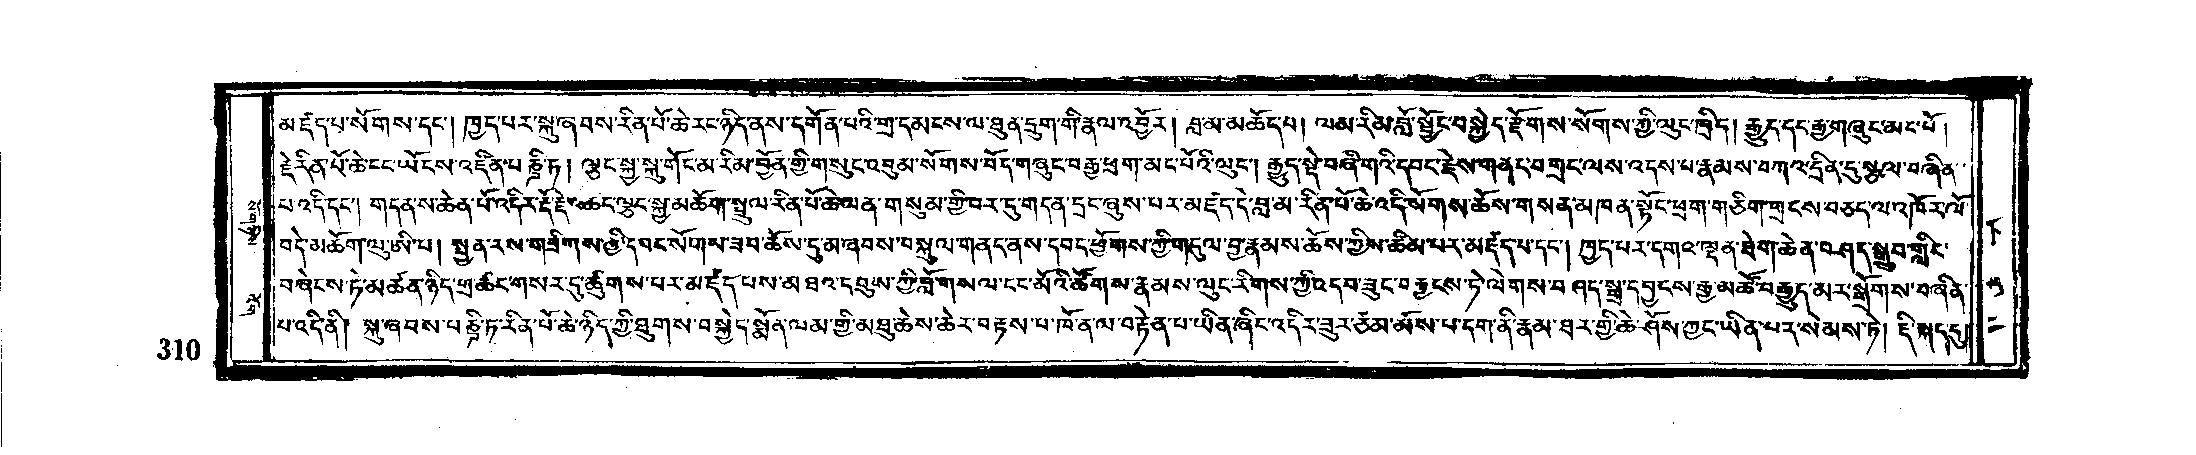མཛད་པ་སོགས་དང་། ཁྱད་པར་སྐུ་ཞབས་རིན་པོ་ཆེ་རང་ཉིད་ནས་དགོན་པའི་གྲ་དམངས་ལ་ཐུན་དྲུག་གི་རྣལ་འབྱོར། བླ་མ་མཆོད་པ། ལམ་རིམ་བློ་སྦྱོང་བསྐྱེད་རྫོགས་སོགས་ཀྱི་ལུང་ཁྲིད། རྒྱུད་དང་རྒྱ་གཞུང་མང་པོ།
རྗེ་རིན་པོ་ཆེ་དང?་ཡོངས་འཛིན་པཎྜི་ཏ། ལྕང་སྐྱ་སྐུ་གོང་མ་རིམ་བྱོན་གྱི་གསུང་འབུམ་སོགས་བོད་གཞུང་བརྒྱ་ཕྲག་མང་པོའི་ལུང་། རྒྱུད་སྡེ་བཞི་གའི་དབང་རྗེས་གནང་བགྲང་ལས་འདས་པ་རྣམས་བཀའ་དྲིན་དུ་སྩལ་བཞིན་
པ་འདི་དང་། གདན་ས་ཆེན་པོ་འདིར་རྡོ་རྗེ་འཆང་ལྕང་སྐྱ་མཆོག་སྤྲུལ་རིན་པོ་ཆེ་ལན་གསུམ་གྱི་བར་དུ་གདན་དྲང་ཞུས་པར་མཛད་དེ་བླ་མ་རིན་པོ་ཆེ་འདི་སོགས་ཆོས་གསན་མཁན་སྟོང་ཕྲག་གཅིག་གྲངས་བཅད་ལ་འཁོར་ལོ་
བདེ་མཆོག་ལུ་ཨི་པ། སྤྱན་རས་གཟིགས་ཀྱི་དབང་སོགས་ཟབ་ཆོས་དུ་མ་ཞབས་བསྐུལ་གནང་ནས་དབང་ཕྱོགས་ཀྱི་གདུལ་བྱ་རྣམས་ཆོས་ཀྱིས་ཚིམ་པར་མཛད་པ་དང་། ཁྱད་པར་དགའ་ལྡན་ཐེག་ཆེན་བཤད་སྒྲུབ་གླིང་
བཞེངས་ཏེ་མཚན་ཉིད་གྲ་ཚང་གསར་དུ་ཚུགས་པར་མཛད་པས་མཐའ་དབུས་ཀྱི་བློ་གསལ་ངང?་མོའི་ཚོགས་རྣམས་ལུང་རིགས་ཀྱི་འདབ་ཟུང་བརྐྱངས་ཏེ་ལེགས་བཤད་སྒྲ་དབྱངས་རྒྱ་མཚོ་བརྒྱུད་མར་སྒྲོགས་བཞིན་
པ་འདི་ནི། སྐུ་ཞབས་པཎྜི་ཏ་རིན་པོ་ཆེ་ཉིད་ཀྱི་ཐུགས་བསྐྱེད་སྨོན་ལམ་གྱི་མཐུ་ཆེས་ཆེར་བརྟས་པ་ཁོ་ན་ལ་བརྟེན་པ་ཡིན་ཞིང་འདིར་ཟུར་ཙམ་མོས་པ་དག་ནི་རྣམ་ཐར་གྱི་ཆེ་ཤོས་ཀྱང་ཡིན་པར་སེམས་ཏེ། ཇི་སྐད་དུ།